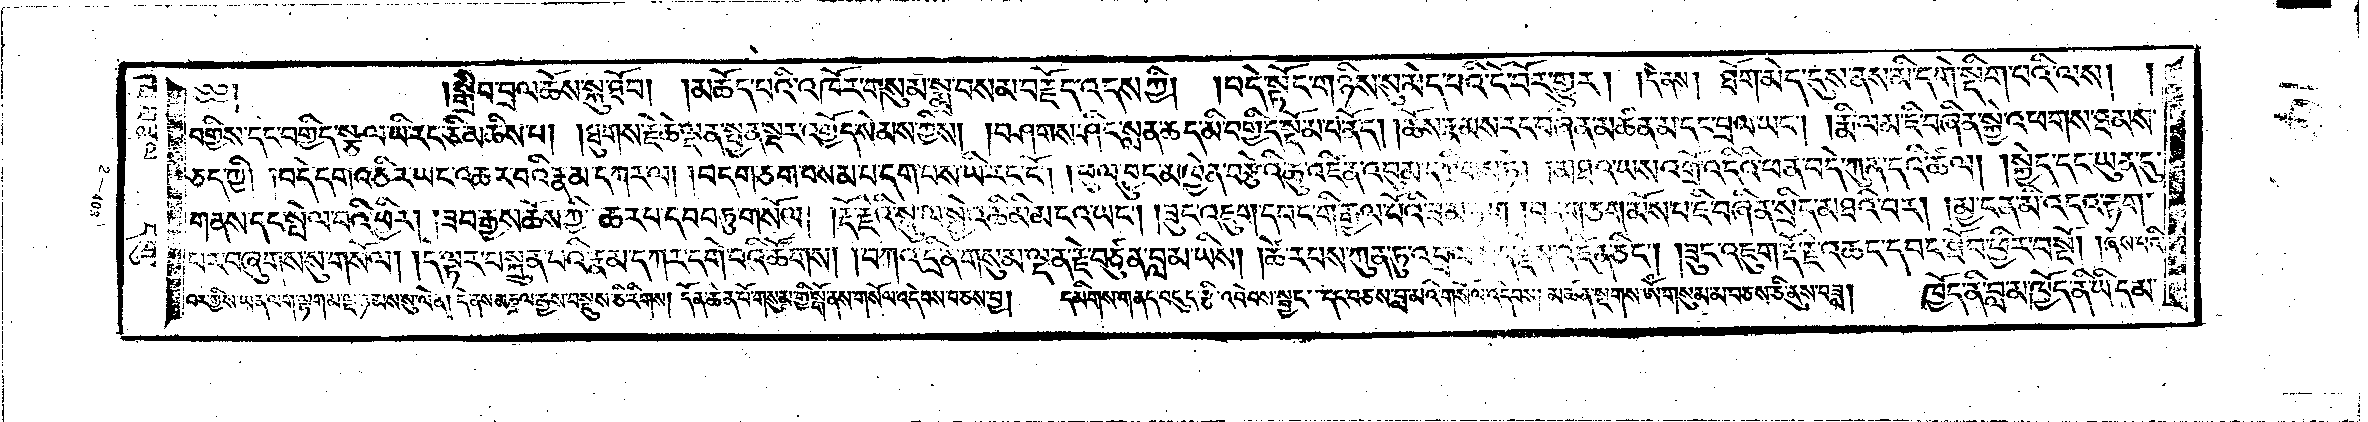༄༅། །སྒྲིབ་བྲལ་ཆོས་སྐུ་ཐོབ། །མཆོད་པའི་འཁོར་གསུམ་སྨྲ་བསམ་བརྗོད་འདས་ཀྱི། །བདེ་སྟོང་གཉིས་སུ་མེད་པའི་ངོ་བོར་གྱུར། །དེ་ནས།  ཐོག་མེད་དུས་ནས་མི་དགེ་སྡིག་བའི་ལས། །
བགྱིས་དང་བགྱིད་སྩལ་ཡི་རང་ཅི་མཆིས་པ། །ཐུགས་རྗེ་ཆེ་ལྡན་སྤྱན་སྔར་འགྱོད་སེམས་ཀྱིས། །བཤགས་ཤིང་སླན་ཆད་མི་བགྱིད་སྡོམ་པ་ནོད། །ཆོས་རྣམས་རང་བཞིན་མཚན་མ་དང་བྲལ་ཡང་། །རྨི་ལམ་ཇི་བཞིན་སྐྱེ་འཕགས་ཐམས་
ཅད་ཀྱི། །བདེ་དགའ་ཅིར་ཡང་འཆར་བའི་རྣམ་དཀར་ལ། །བདག་ཅག་བསམ་པ་དག་པས་ཡི་རང་ངོ། །ཕུལ་བྱུང་མཁྱེན་བརྩེའི་ཆུ་འཛིན་འབུམ་དཀྲིགས་ཏེ། །མཐའ་ཡས་འགྲོ་འདིའི་ཕན་བདེ་ཀུན་དའི་ཚལ། །སྐྱེད་དང་ཡུན་དུ་
གནས་དང་སྤེལ་བའི་ཕྱིར། །ཟབ་རྒྱས་ཆོས་ཀྱི་ཆར་པ་དབབ་ཏུ་གསོལ། །རྡོ་རྗེའི་སྐུ་ལ་སྐྱེ་འཆི་མི་མངའ་ཡང་། །ཟུང་འཇུག་དབང་གི་རྒྱལ་པོའི་ཟམ་ཏོག །བདག་ཅག་མོས་པ་ཇི་བཞིན་སྲིད་མཐའི་བར། །མྱ་ངན་མི་འདའ་རྟག་
པར་བཞུགས་སུ་གསོལ། །དེ་ལྟར་བསྐྲུན་པའི་རྣམ་དཀར་དགེ་བའི་ཚོགས། །བཀའ་དྲིན་གསུམ་ལྡན་རྗེ་བཙུན་བླ་མ་ཡིས། །ཚེ་རབས་ཀུན་ཏུ་འབྲལ་མེད་རྗེས་འཛིན་ཅིང་། །ཟུང་འཇུག་རྡོ་རྗེ་འཆང་དབང་ཐོབ་ཕྱིར་བསྔོ། །ཞེས་པའི་
བར་གྱིས་ཡན་ལག་ལྷག་མ་ལྔ་ཉམས་སུ་ལེན། དེ་ནས་མཎྜལ་རྒྱས་བསྡུས་ཅི་རིགས། དོན་ཆེན་པོ་གསུམ་གྱི་སྒོ་ནས་གསོལ་འདེབས་བཅས་བྱ། དམིགས་གནད་བདུད་རྩི་འབེབས་སྦྱང་དང་བཅས་བླ་མའི་གསོལ་འདེབས། མཚན་སྔགས་ཨོཾ་གསུམ་མ་བཅས་ཅི་ནུས་བཟླ། ཁྱོད་ནི་བླ་མ་ཁྱོད་ནི་ཡི་དམ་